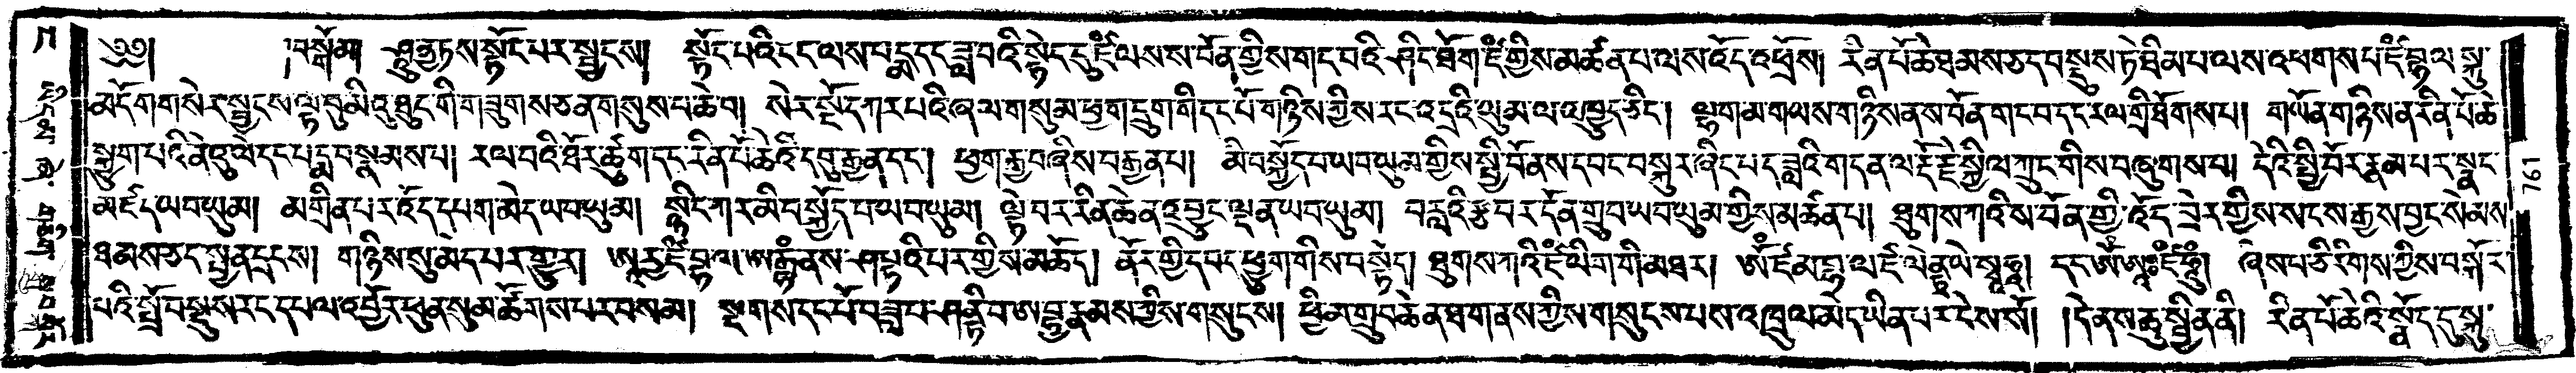༄༅། །བསྒོམ། ཤཱུ་ནྱ་ཏས་སྟོང་པར་སྦྱངས། སྟོང་པའི་ངང་ལས་པདམ་དང་ཟླ་བའི་སྟེང་དུ་ཛཾ་ལས་ས་བོན་གྱིས་གང་བའི་ཤིང་ཐོག་ཛཾ་གྱིས་མཚན་པ་ལས་འོད་འཕྲོས། རིན་པོ་ཆེ་ཐམས་ཅད་བསྡུས་ཏེ་ཐིམ་པ་ལས་འཕགས་པ་ཛཾ་བྷལ་སྐུ་
མདོག་གསེར་སྦྱངས་ལྟ་བུ་མིའུ་ཐུང་གི་གཟུགས་ཅན་གསུས་པ་ཆེ་བ། སེར་སྔོ་དཀར་པའི་ཞལ་གསུམ་ཕྱག་དྲུག་གི་དང་པོ་གཉིས་ཀྱིས་རང་འདྲའི་ཡུམ་ལ་འཁྱུད་ཅིང་། ལྷག་མ་གཡས་གཉིས་ནས་བོན་གང་བ་དང་རལ་གྲི་ཐོགས་པ། གཡོན་གཉིས་ན་རིན་པོ་ཆེ་
སྐྱུག་པའི་ནེའུ་ལེ་དང་པདམ་བསྣམས་པ། རལ་བའི་ཐོར་ཚུག་དང་རིན་པོ་ཆེའི་དབུ་རྒྱན་དང་། ཕྱག་རྒྱ་བཞིས་བརྐྱན་པ། མི་བསྐྱོད་པ་ཡབ་ཡུམ་གྱིས་སྤྱི་བོ་ནས་དབང་བསྐུར་ཞིང་པད་ཟླའི་གདན་ལ་རྡོ་རྗེ་སྐྱིལ་ཀྲུང་གིས་བཞུགས་པ། དེའི་སྤྱི་བོར་རྣམ་པར་སྣང་
མཛད་ཡབ་ཡུམ། མགྲིན་པར་འོད་དཔག་མེད་ཡབ་ཡུམ། སྙིང་ཀར་མི་བསྐྱོད་པ་ཡབ་ཡུམ། ལྟེ་བར་རིན་ཆེན་འབྱུང་ལྡན་ཡབ་ཡུམ། བརླའི་རྩ་བར་དོན་གྲུབ་ཡབ་ཡུམ་གྱིས་མཚན་པ། ཐུགས་ཀའི་ས་བོན་གྱི་འོད་ཟེར་གྱིས་སངས་རྒྱས་བྱང་སེམས་
ཐམས་ཅད་སྤྱན་དྲངས། གཉིས་སུ་མེད་པར་གྱུར། ཨཱརྱ་ཛཾ་བྷ་ལ་ཨརྒྷཾ་ནས་ཤཔྟའི་པར་གྱིས་མཆོད། ནོར་གྱི་དཔང་ཕྱུག་གིས་བསྟོད། ཐུགས་ཀའི་ཛཾ་ཡིག་གི་མཐར། ཨོཾ་ཛམ་བྷ་ལ་ཛ་ལེནྟྲ་ཡེ་སྭཱ་ཧཱ། དང་ཨོཾ་ཨཱཿ ཛཾ་ཧཱུཾ། ཞེས་པ་ཅི་རིགས་ཀྱིས་བསྐོར་
པའི་སྤྲོ་བསྡུས་རང་དཔལ་འབྱོར་ཕུན་སུམ་ཚོགས་པར་བསམ། སྔགས་དང་པོ་བཟླ་པ་ཤནྟི་བ་ཨ་བྷྱ་རྣམས་ཀྱིས་གསུངས། ཕྱི་མ་གྲུབ་ཆེན་ཐ་གནས་ཀྱིས་གསུངས་པས་འཁྲུལ་མེད་ཡིན་པར་ངེས་སོ། །དེ་ནས་ཆུ་སྦྱིན་ནི། རིན་པོ་ཆེའི་སྣོད་དུ་སྐུ་